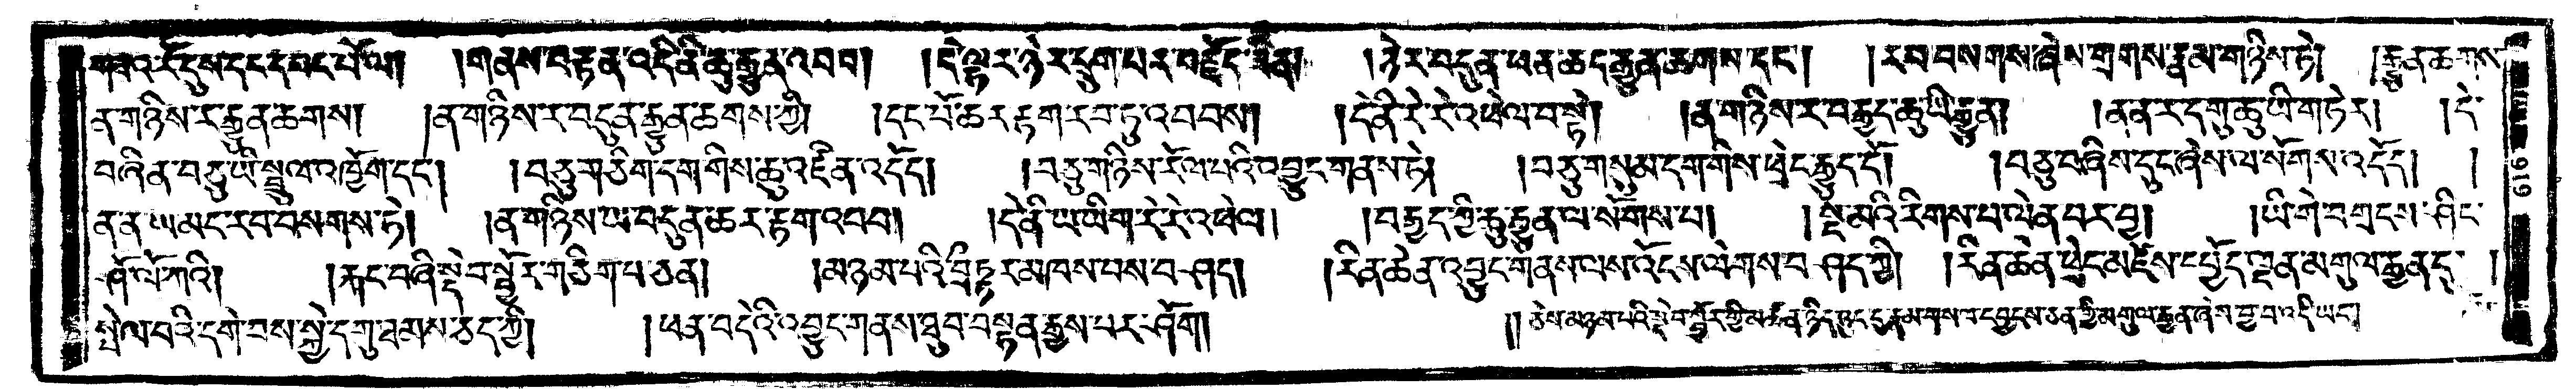གཟའ་རོ་དུས་དང་དབང་པོ་ལ། །གནས་བརྟན་འདི་ནི་ཆུ་རྒྱུན་འབབ། །དེ་ལྟར་ཉེར་དྲུག་པར་པདམོད?་ཟིན། །ཉེར་བདུན་ཕན་ཆད་རྒྱུན་ཆགས་དང་། །རབ་བསགས་ཞེས་གྲགས་རྣམ་གཉིས་ཏེ། །རྒྱུན་ཆགས་
ན་གཉིས་ར་རྒྱུན་ཆགས། །ན་གཉིས་ར་བདུན་རྒྱུན་ཆགས་ཀྱི། །དང་པོ་ཆར་རྟག་རབ་ཏུ་འབབས། །དེ་ནི་རེ་རེ་འཕེལ་བ་སྟེ། །ན་གཉིས་ར་བརྒྱད་ཆུ་ཡི་རྒྱུན། །ན་ན་ར་དགུ་ཆུ་ཡི་གཏེར། །དེ་
བཞིན་བཅུ་ཡི་སྦྲུལ་འཁྱོག་དང་། །བཅུ་གཅིག་དག་གིས་ཆུ་འཛིན་འདོད། །བཅུ་གཉིས་རོལ་པའི་འབྱུང་གནས་ཏེ། །བཅུ་གསུམ་དག་གིས་ཕྲེང་རྒྱུད་དོ། །བཅུ་བཞིས་དུང་ཞེས་ལ་སོགས་འདོད། །
ན་ན་ཡ་མང་རབ་བསགས་ཏེ། །ན་གཉིས་ཡ་བདུན་ཆར་རྟག་འབབ། །དེ་ནི་ཡ་ཡིག་རེ་རེ་འཕེལ། །བརྒྱད་ཀྱི་ཆུ་རྒྱུན་ལ་སོགས་པ། །སྔ་མའི་རིགས་པ་ལེན་པར་བྱ། །ཡི་གེ་བགྲངས་ཤིང་
ཤོ་ལོ་ཀའི། །རྐང་བཞི་སྡེབ་སྦྱོར་གཅིག་པ་ཅན། །མཉམ་པའི་བྲྀཏྟ་ར་མཁས་བས་བཤད། །རིན་ཆེན་འབྱུང་གནས་ལས་འོངས་ལེགས་བཤད་ཀྱི། །རིན་ཆེན་འཕྲེང་མཛེས་དཔྱོད་ལྡན་མགུལ་རྒྱན་དུ།
སྤེལ་བའི་དགེ་བས་སྐྱེ་དགུ་ཐམས་ཅད་ཀྱི། །ཕན་བདེའི་འབྱུང་གནས་ཐུབ་བསྟན་རྒྱས་པར་ཤོག། །།ཅེས་མཉམ་པའི་ལྡེབ་སྦྱོར་གྱི་མཚན་ཉིད་ཐུང་དུ་རྣམ་གས་བ་དབྱངས་ཅན་གྱི་མགུལ་རྒྱན་ཞེས་བྱ་བ་འདི་ཡང་།